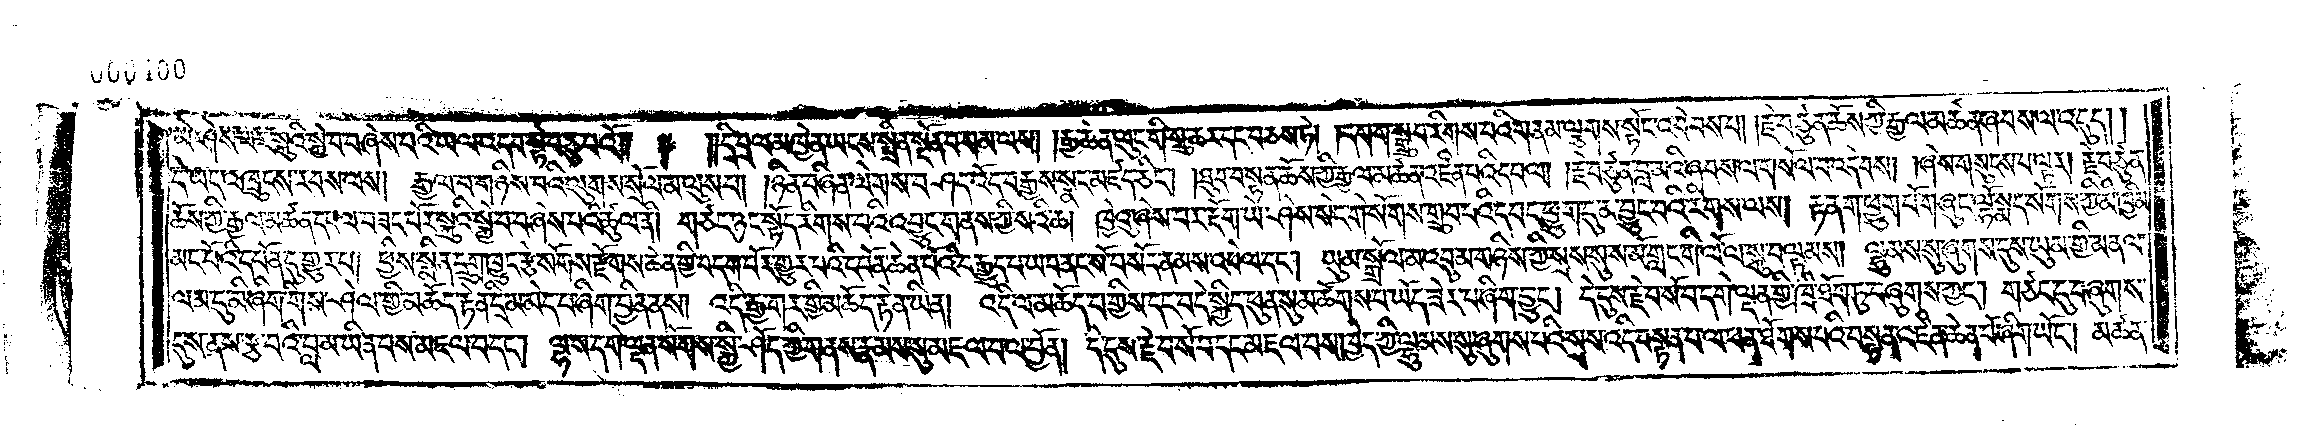ཡེ་ཤེས་བར་སྐུའི་སྐྱེ་བ་བཞེས་པའི་ཡལ་འདབ་སྟེ་བཅུ་བའོ།། ༈ །།དྲི་བྲལ་མཁྱེན་ཡངས་སྤྲིན་སྔོན་བ་གམ་ལས། །རྒྱ་ཆེན་ལུང་གི་གྲུ་ཆར་དང་བཅས་ཏེ། །དགག་སྒྲུབ་རིགས་པའི་གནམ་ལྕགས་སྟོང་འབེབས་པ། །རྗེ་བཙུན་ཆོས་ཀྱི་རྒྱལ་མཚན་ཞབས་ལ་འདུད། །
དེ་ཡང་འཁྲུངས་རབས་ལས། རྒྱལ་བ་གཉིས་པའི་ལུགས་སྲོལ་མ་ལུས་པ། །ཉིན་བཞིན་ལེགས་བཤད་འོད་བརྒྱས་སྣང་མཛད་ཅིང་། །ཐུབ་བསྟན་ཆོས་ཀྱི་རྒྱལ་མཚན་འཛིན་པའི་དཔལ། །རྗེ་བཙུན་བླ་མའི་ཞབས་ལ་གསོལ་བ་འདེབས། །ཞེས་གསུངས་པ་ལྟར། རྗེ་བཙུན་
ཆོས་ཀྱི་རྒྱལ་མཚན་དཔལ་བཟང་པོར་སྐུའི་སྐྱེ་བ་བཞེས་པའི་ཚུལ་ནི། གཙང་ཉང་སྟོད་རིགས་པའི་འབྱུང་གནས་ཀྱི་སའི་ཆ། ཁྱེའུ་ཞེས་པར་རྡོག་ཡེ་ཤེས་སེང་གེ་སོགས་གྲུབ་པའི་དབང་ཕྱུག་དུ་མ་བྱུང་བའི་རིགས་ལས། རྟ་ནག་ཕྱུག་པོ་གཞུང་ལྷོ་སྨད་སོགས་ཀྱི་མི་ཁྱིམ་
མང་པོའི་དཔོན་དུ་གྱུར་པ། ཕྱིས་སྨིན་དྲུག་ཁྱུང་རྩེ་སོགས་རྫོགས་ཆེན་གྱི་བདག་པོར་གྱུར་པའི་དཔོན་ཆེན་པོའི་བརྒྱུད་པ་ཡབ་ནང་སོ་བསོད་ནམས་འཕེལ་དང་། ཡུམ་སྒྲོལ་མ་འབུལ་གཉིས་ཀྱི་སྲས་སུས་མོ་གླང་གི་ལོ་ལ་སྐུ་བལྟམས། ལྷུམས་སུ་ཞུགས་དུས་ཡུམ་གྱི་མནལ་
ལམ་དུ་མི་ཞིག་གིས་ཤེལ་གྱི་མཆོད་རྟེན་དྲི་མ་མེད་པ་ཞིག་བྱིན་ནས། འདི་རྒྱ་གར་གྱི་མཆོད་རྟེན་ཡིན། འདི་ལ་མཆོད་པ་གྱིས་དང་བདེ་སྐྱིད་ཕུན་སུམ་ཚོགས་པ་ཡོད་ཟེར་པ་ཞིག་བྱུང་། དེ་དུས་རྗེ་བ་སོ་བ་དགེ་ལྡན་གྱི་ཁྲི་ཐོག་ཏུ་བཞུགས་ཀྱང་། གཙང་དུ་བཞུགས་
དུས་ནས་རྩ་བའི་བླ་མ་ཡིན་བས་མཇལ་བ་དང་། ལྷ་ས་དགེ་ལྡན་སོགས་སྐྱི་ཤོད་ཀྱི་གནས་རྣམས་སུ་མཇལ་བ་ལ་བྱོན། དེ་དུས་རྗེ་བ་སོ་བ་དང་མཇལ་བས་ཁྱེད་ཀྱི་ལྷུམས་སུ་ཞུགས་པའི་སྲས་འདི་བསྟན་པ་ལ་ཕན་ཐོགས་པའི་བསྟན་འཛིན་ཆེན་པོ་ཞིག་ཡོང་། མཚན་